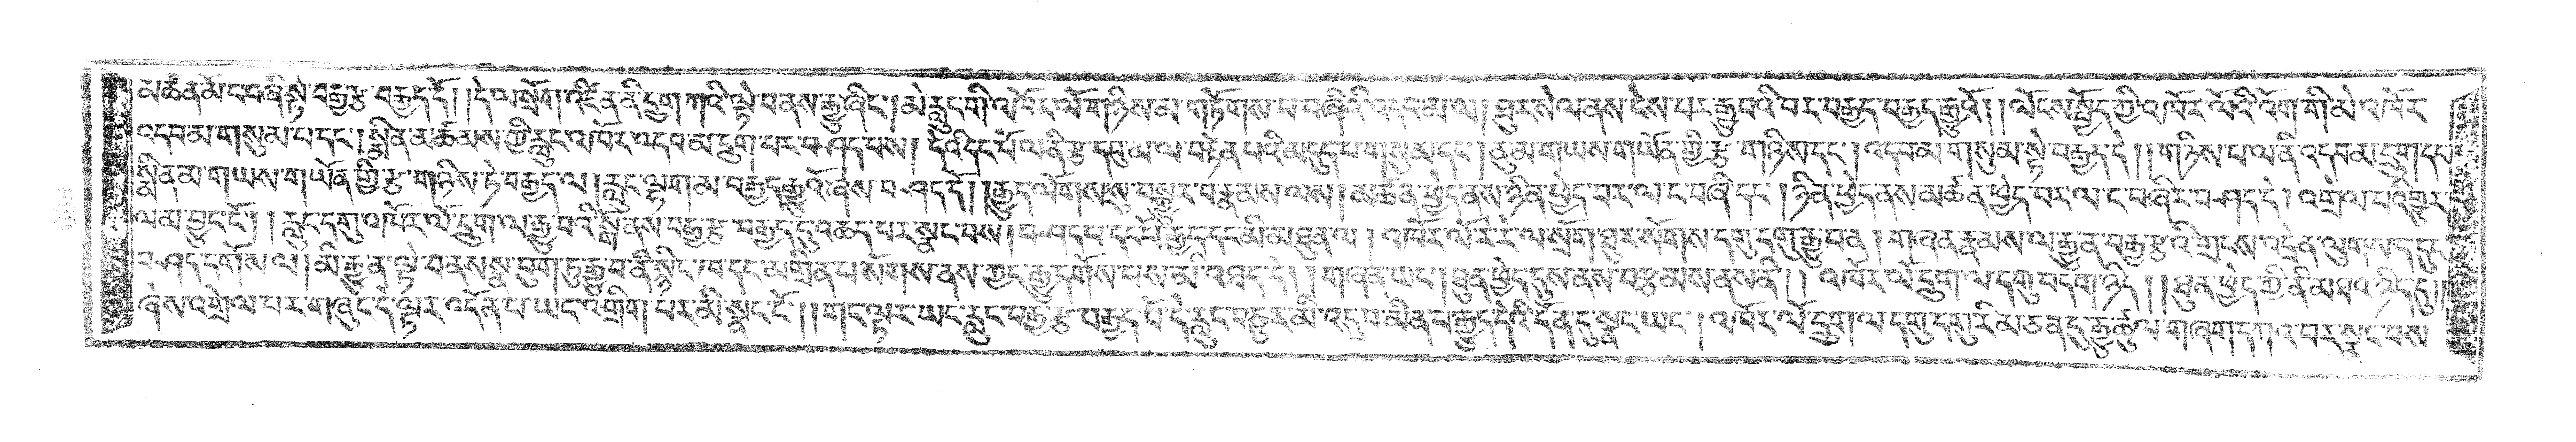མཚན་མོང་བཞི་སྟེ་བརྒྱ་རྩ་བརྒྱད་དོ། །དེ་ལ་སྲོག་འཛིན་ནི་དྲུག་ཀའི་ལྟེ་བ་ནས་རྒྱུ་ཞིང་། མེ་རླུང་གི་འཁོར་ལོ་གཉིས་མ་གཏོགས་པ་བཞིའི་འདབ་མ་ལ། ཐུར་སེལ་ནས་ངེས་པར་རྒྱུ་བའི་བར་བརྒྱད་བརྒྱད་རྒྱུའོ། །ལོངས་སྤྱོད་ཀྱི་འཁོར་ལོའི་འོག་གི་མེ་འཁོར་
འདབ་མ་གསུམ་པ་དང་། སྨིན་མཚམས་ཀྱི་རླུང་འཁོར་འདབ་མ་དྲུག་པར་བཤད་པས། དེའི་དང་པོ་ལ་ནི་རྩ་དབུ་མ་ལ་བརྟེན་པའི་མདུད་པ་གསུམ་དང་། ནུ་མ་གཡས་གཡོན་གྱི་རྩ་གཉིས་དང་། འདབ་མ་གསུམ་སྟེ་བརྒྱད་དེ། །གཉིས་པ་ལ་ནི་འདབ་མ་དྲུག་དང་
སྨིན་མ་གཡས་གཡོན་གྱི་རྩ་གཉིས་ཏེ་བརྒྱད་ལ། རླུང་ལྷག་མ་བརྒྱད་རྒྱུའོ་ཞེས་བཤད་དོ། །རྒྱུད་ལོགས་སུ་བསྒྱུར་བ་རྣམས་ལས། མཚན་ཕྱེད་ནས་ཉིན་ཕྱེད་བར་ལ་ང་བཞི་དང་། ཉིན་ཕྱེད་ནས་མཚན་ཕྱེད་བར་ལ་ང་བཞིར་བཤད་དེ། འགྲེལ་པའི་གྱུར་
ལ་མ་བྱུང་ངོ། །རླུང་དགུ་འཁོར་ལོ་དྲུག་ལ་རྒྱུ་བའི་སྒོ་ནས་བརྒྱ་རྩ་བརྒྱད་དུ་འཆད་པར་སྣང་བས། བཤད་པ་དང་པོ་རྒྱུད་དང་མི་མཐུན་ལ། འཁོར་ལོ་རེ་རེ་ལ་སྲོག་ཐུར་སོགས་དགུ་དགུ་རྒྱུ་བ་ན། གཞན་རྣམས་ལ་རྒྱུན་བརྒྱ་རྩའི་གྲངས་འདྲེན་ལུགས་ད་དུང་
བཤད་དགོས་ལ། མི་རྒྱུ་ན་ལྟེ་བ་ནས་སྣ་བུག་ཏུ་རྒྱུ་བ་ནི་སྙིང་ཁ་དང་མགྲིན་པ་སོགས་ནས་ཀྱང་རྒྱུ་དགོས་པས་མི་འཐད་དེ། །གཞན་ཡང་། ཐུན་ཕྱེད་དུས་ནས་བརྩམས་ནས་ནི། །འཁོར་ལོ་དྲུག་ལ་དགུ་བདག་ཉིད། །ཐུན་ཕྱེད་ཀྱི་ནི་མཐའ་ཉིད་དུ། །
ཞེས་འགྲེལ་པར་གཞུང་དེ་ལྟར་འདོན་པ་ཡང་འགྲིག་པར་མི་སྣང་ངོ། །གང་ལྟར་ཡང་རླུང་བརྒྱ་རྩ་བརྒྱད་པོ་དེ་རླུང་བཅུར་མི་འདུ་བ་མིན་པ་རྒྱུད་དེའི་དོན་དུ་སྣང་ཡང་། འཁོར་ལོ་དྲུག་ལ་དགུ་དགུ་རིམ་ཅན་དུ་རྒྱུ་ཚུལ་གཞག་དཀའ་བར་སྣང་བས་